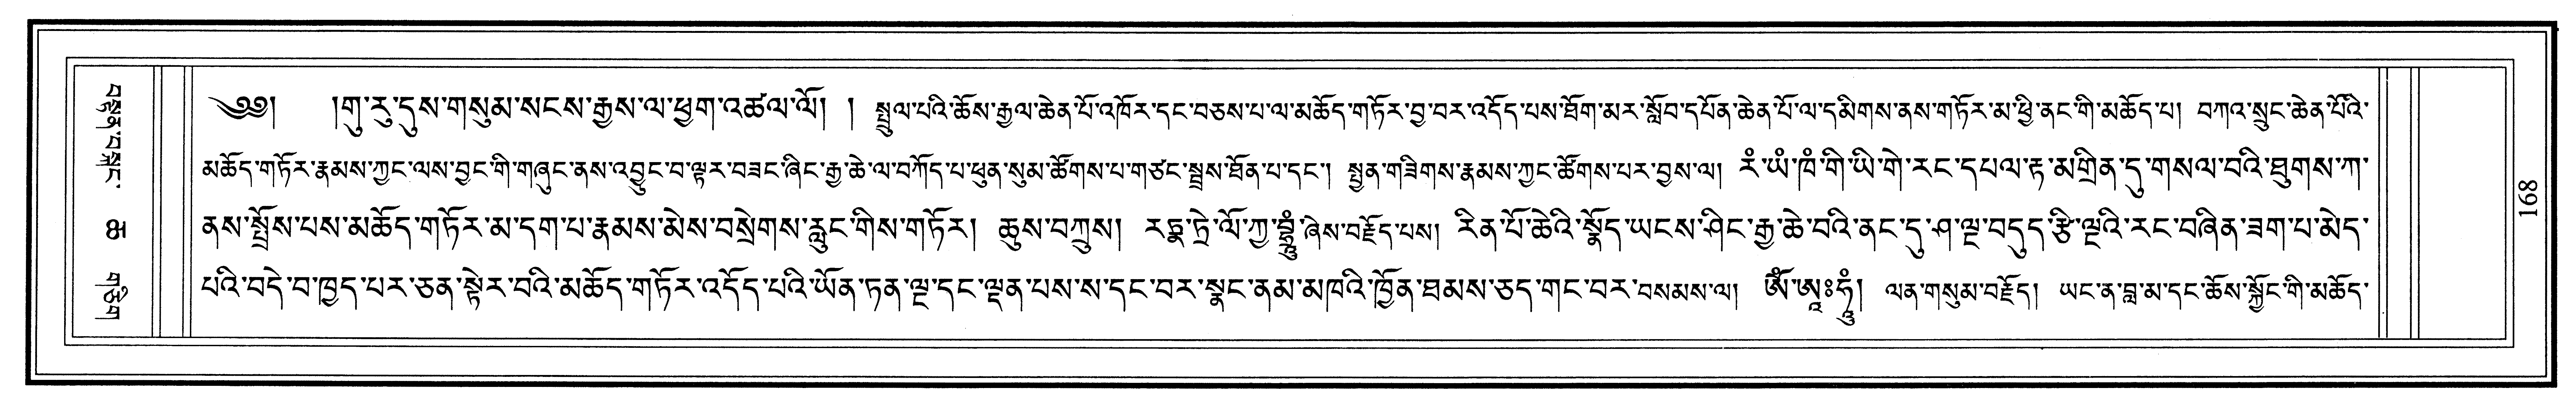༄༅། །གུ་རུ་དུས་གསུམ་སངས་རྒྱས་ལ་ཕྱག་འཚལ་ལོ། །སྤྲུལ་པའི་ཆོས་རྒྱལ་ཆེན་པོ་འཁོར་དང་བཅས་པ་ལ་མཆོད་གཏོར་བྱ་བར་འདོད་པས་ཐོག་མར་སློབ་དཔོན་ཆེན་པོ་ལ་དམིགས་ནས་གཏོར་མ་ཕྱི་ནང་གི་མཆོད་པ། བཀའ་སྲུང་ཆེན་པོའི་
མཆོད་གཏོར་རྣམས་ཀྱང་ལས་བྱང་གི་གཞུང་ནས་འབྱུང་བ་ལྟར་བཟང་ཞིང་རྒྱ་ཆེ་ལ་བཀོད་པ་ཕུན་སུམ་ཚོགས་པ་གཙང་སྦྲས་ཐོན་པ་དང་། སྤྱན་གཟིགས་རྣམས་ཀྱང་ཚོགས་པར་བྱས་ལ། རཾ་ཡཾ་ཁཾ་གི་ཡི་གེ་རང་དཔལ་རྟ་མགྲིན་དུ་གསལ་བའི་ཐུགས་ཀ་
ནས་སྤྲོས་པས་མཆོད་གཏོར་མ་དག་པ་རྣམས་མེས་བསྲེགས་རླུང་གིས་གཏོར། ཆུས་བཀྲུས། རཏྣ་ཏྲེ་ལོ་ཀྱ་བྷྲཱུཾ་ཞེས་བརྗོད་པས། རིན་པོ་ཆེའི་སྣོད་ཡངས་ཤིང་རྒྱ་ཆེ་བའི་ནང་དུ་ཤ་ལྔ་བདུད་རྩི་ལྔའི་རང་བཞིན་ཟག་པ་མེད་
པའི་བདེ་བ་ཁྱད་པར་ཅན་སྟེར་བའི་མཆོད་གཏོར་འདོད་པའི་ཡོན་ཏན་ལྔ་དང་ལྡན་པས་ས་དང་བར་སྣང་ནམ་མཁའི་ཁྱོན་ཐམས་ཅད་གང་བར་བསམས་ལ། ཨོཾ་ཨཱཿ ཧཱུཾ། ལན་གསུམ་བརྗོད། ཡང་ན་བླ་མ་དང་ཆོས་སྐྱོང་གི་མཆོད་